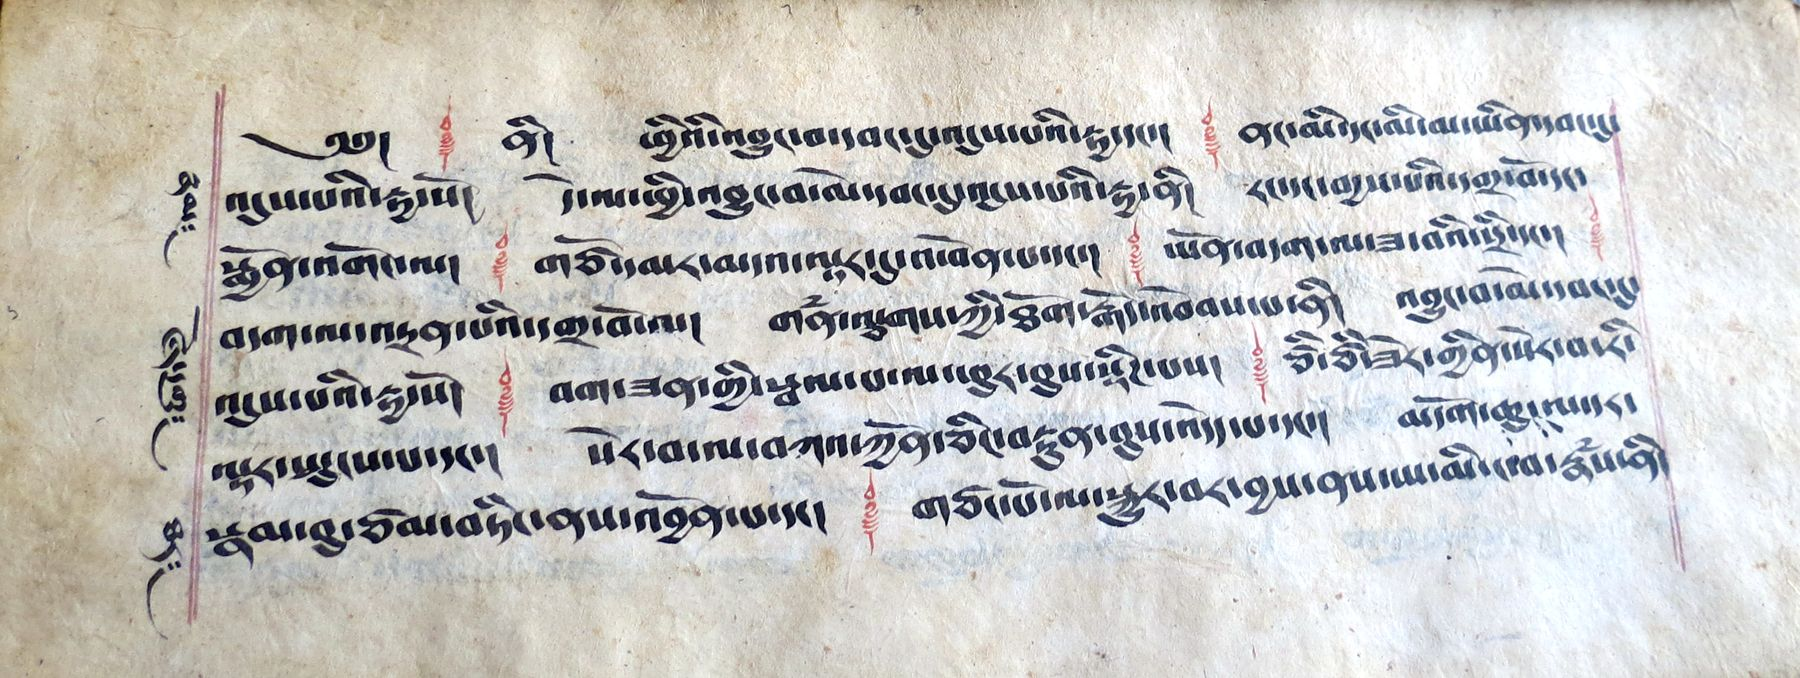ནི། ཕྱི་ཡི་འབྱུང་བ་དབང་དུ་འདུས་པའི་རྟགས་དང་། ནང་མི་དང་མི་མིན་དབང་དུ་
འདུས་པའི་རྟགས་སོ། ། དེ་ལ་ཕྱི་འབྱུང་བ་དབང་དུ་འདུས་པའི་རྟགས་ནི། རང་དང་འགྲས་པའི་དགྲ་བོ་དང་
སྙོན་འགོང་ལ། བཙོ་དམར་མདའ་ལྟར་དུ་འཕེན་པ་དང་། ཡོན་བདག་ལ་ཟ་བའི་སྲི་དང་། 
བདག་དང་འགྲན་པའི་དགྲ་བོ་ལ། གནམ་ལྕགས་གྱི་ཐོག་རྒོད་འབེབས་པ་ནི། འབྱུང་བ་མེ་དབང་དུ་
འདུས་པའི་རྟགས་སོ། ། བག་ཟན་གྱི་སྦལ་པ་ཕུར་བུས་བརྡིགས་པས། ཙིར་ཙིར་ཟེར་ཅིང་སེར་བ་རི་
ལྟར་སྤུངས་པ་དང་། སེར་བ་ལ་བཀའ་བཀྱོན་ཞིང་གཏུན་བུས་འདེད་པ་དང་། འདོག་ཆུ་ལ་དར་
སྣམ་བུ་ཙམ་བཏིང་ནས་འབྱོན་པ་དང་། གཙང་པོ་ལ་བསྐྱུར་བར་བྱས་ནས་ཡ་མི་ང་བ་རྣམས་ནི།